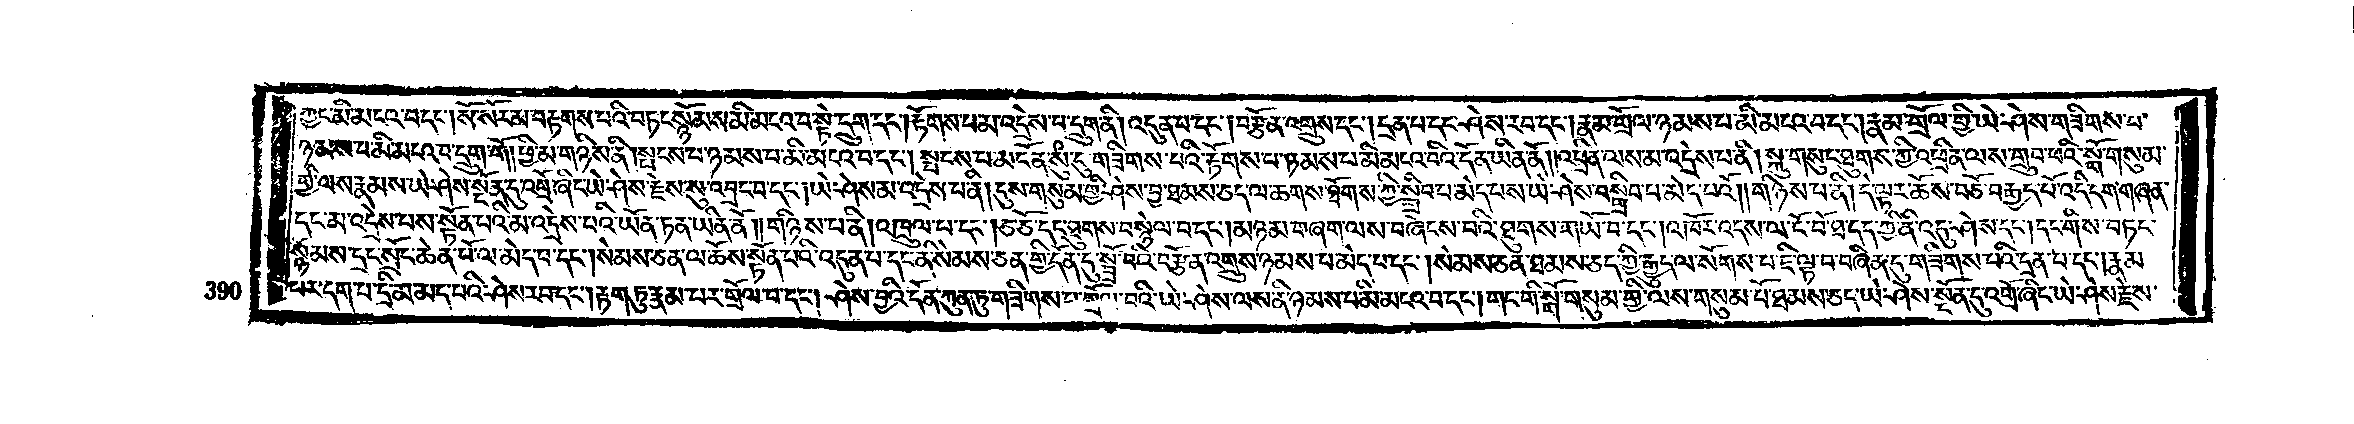ཀྱང་མི་མངའ་བ་དང་། སོ་སོར་མ་བརྟགས་པའི་བཏང་སྙོམས་མི་མངའ་བ་སྟེ་དྲུག་དང་། རྟོགས་པ་མ་འདྲེས་པ་དྲུག་ནི། འདུན་པ་དང་། བརྩོན་འགྲུས་དང་། དྲན་པ་དང་ཤེས་རབ་དང་། རྣམ་གྲོལ་ཉམས་པ་མི་མངའ་བ་དང་། རྣམ་གྲོལ་གྱི་ཡེ་ཤེས་གཟིགས་པ་
ཉམས་པ་མི་མངའ་བ་དྲུག་གོ །ཕྱི་མ་གཉིས་ནི། སྤངས་པ་ཉམས་པ་མི་མངའ་བ་དང་། སྤངས་པ་མངོན་སུམ་དུ་གཟིགས་པའི་རྟོགས་པ་ཉམས་པ་མི་མངའ་བའི་དོན་ཡིན་ནོ། །འཕྲིན་ལས་མ་འདྲེས་པ་ནི། སྐུ་གསུང་ཐུགས་ཀྱི་འཕྲིན་ལས་གྲུབ་པའི་སྒོ་གསུམ་
གྱི་ལས་རྣམས་ཡེ་ཤེས་སྔོན་དུ་འགྲོ་ཞིང་ཡེ་ཤེས་རྗེས་སུ་འབྲང་བ་དང་། ཡེ་ཤེས་མ་འདྲེས་པ་ནི། དུས་གསུམ་གྱི་ཤེས་བྱ་ཐམས་ཅད་ལ་ཆགས་ཐོགས་ཀྱི་སྒྲིབ་པ་མེད་པས་ཡེ་ཤེས་བསྒྲིབ་པ་མེད་པའོ། །གཉིས་པ་ནི། དེ་ལྟར་ཆོས་བཅོ་བརྒྱད་པོ་འདི་དག་གཞན་
དང་མ་འདྲེས་པས་སྟོན་པའི་མ་འདྲེས་པའི་ཡོན་ཏན་ཡིན་ནོ། །གཉིས་པ་ནི། འཁྲུལ་པ་དང་། ཅ་ཅོ་དང་ཐུགས་བསྙེལ་པ་དང་། མཉམ་གཞག་ལས་བཞེངས་པའི་ཐུགས་གཡོ་བ་དང་། འཁོར་འདས་ལ་ངོ་བོ་ཐ་དད་ཀྱི་ནི་འདུ་ཤེས་དང་། དང་གིས་བཏང་
སྙོམས་དྲང་སྲོང་ཆེན་པོ་ལ་མེད་པ་དང་། སེམས་ཅན་ལ་ཆོས་སྟོན་པའི་འདུན་པ་དང་ནི་སེམས་ཅན་གྱི་དོན་དུ་སྤྲོ་བའི་བརྩོན་འགྲུས་ཉམས་པ་མེད་པ་དང་། སེམས་ཅན་ཐམས་ཅད་ཀྱི་རྒྱུད་ལ་སོགས་པ་ཇི་ལྟ་བ་བཞིན་དུ་གཟིགས་པའི་དྲན་པ་དང་། རྣམ་
པར་དག་པ་དྲི་མ་མེད་པའི་ཤེས་རབ་དང་། རྟག་ཏུ་རྣམ་པར་གྲོལ་བ་དང་། ཤེས་བྱའི་དོན་ཀུན་ཏུ་གཟིགས་པ་གྲོལ་བའི་ཡེ་ཤེས་ལས་ནི་ཉམས་པ་མི་མངའ་བ་དང་། གང་གི་སྒོ་གསུམ་གྱི་ལས་གསུམ་པོ་ཐམས་ཅད་ཡེ་ཤེས་སྔོན་དུ་འགྲོ་ཞིང་ཡེ་ཤེས་རྗེས་